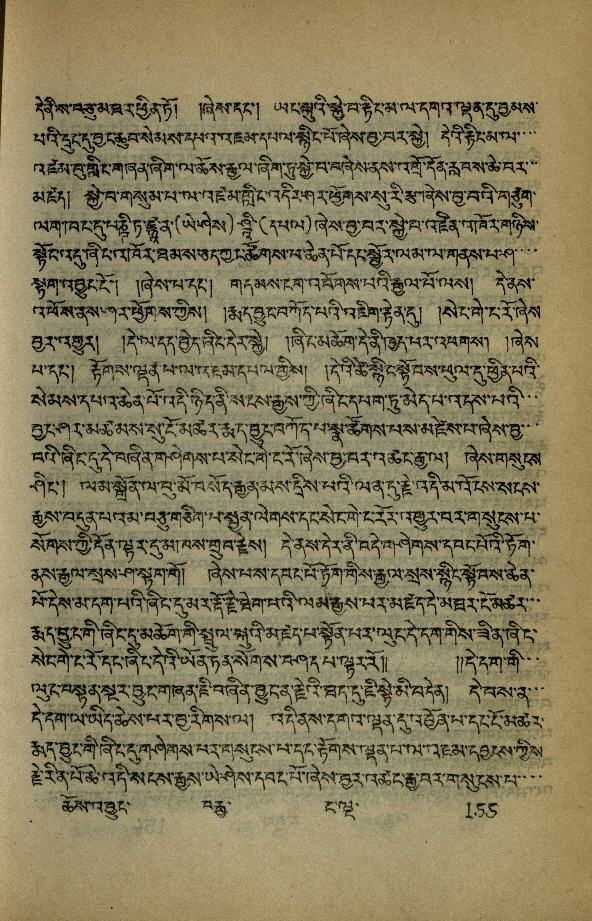དེ་ནི་ས་བཅུ་མཐར་ཕྱིན་ཏོ། །ཞེས་དང་། ཡང་སྐུའི་སྐྱེ་བ་རྟིང་མ་ལ་དགའ་ལྡན་དུ་བྱམས་
པའི་དྲུང་དུ་བྱང་ཆུབ་སེམས་དཔའ་འཇམ་དཔལ་སྙིང་པོ་ཞེས་བྱ་བར་སྐྱེ། དེའི་རྟིང་མ་ལ་
འཛམ་བུ་གླིང་གཞན་ཞིག་ལ་ཆོས་རྒྱལ་ཞིག་ཏུ་སྐྱེ་བ་བཞེས་ནས་འགྲོ་དོན་རླབས་ཆེ་བར་
མཛད། སྐྱེ་བ་གསུམ་པ་ལ་འཛམ་གླིང་འདིར་ཤར་ཕྱོགས་སུ་རི་རྩ་ཞེས་བྱ་བའི་གཙུག་
ལག་ཁང་དུ་པཎྜི་ཏ་ཛྙཱ་ན་ཡེ་ཤེས་ཤྲཱི་དཔལ་ཞེས་བྱ་བར་སྐྱེ་བ་འཛིན་འཁོར་གཉིས་
སྟོང་འདུ་ཞིང་འཁོར་ཐམས་ཅད་ཀྱང་ཚོགས་པ་ཆེན་པོ་དང་སྦྱོར་ལམ་ལ་གནས་པ་ཤ་
སྟག་འབྱུང་ངོ། །ཞེས་པ་དང་། གདམས་ངག་འབོགས་པའི་རྒྱལ་པོ་ལས། དེ་ནས་
འཕོས་ནས་ཤར་ཕྱོགས་ཀྱིས། །རྨད་བྱུང་བཀོད་པའི་འཇིག་རྟེན་དུ། །སེང་གེ་ང་རོ་ཞེས་
བྱར་འགྱུར། །དེ་ལ་དད་བྱེད་ཞིང་དེར་སྐྱེ། །ཞིང་མཆོག་དེ་ནི་ཁྱད་པར་འཕགས། །ཞེས་
པ་དང་། རྟོགས་ལྡན་པ་ལ་འཇམ་དཔལ་གྱིས། །དེའི་ཚེ་སྙིང་སྟོབས་ཕུལ་དུ་ཕྱིན་པའི་
སེམས་དཔའ་ཆེན་པོ་འདི་ཉིད་ནི་སངས་རྒྱས་ཀྱི་ཞིང་དཔག་ཏུ་མེད་པ་འདས་པའི་
བྱང་ཤར་མཚམས་སུ་ངོ་མཚར་རྨད་བྱུང་བཀོད་པ་སྣ་ཚོགས་པས་མཛེས་པ་ཞེས་བྱ་
བའི་ཞིང་དུ་དེ་བཞིན་གཤེགས་པ་སེང་གེ་ང་རོ་ཞེས་བྱ་བར་འཚང་རྒྱ་ལ། ཞེས་གསུངས་
ཤིང་། ལམ་སྒྲོན་ལ་བུ་མོ་བསོད་རྒྱན་མས་དྲིས་པའི་ལན་དུ་རྗེ་འདི་མ་འོངས་སངས་
རྒྱས་བདུན་པའམ་བཅུ་གཅིག་པ་སྤྱན་ལེགས་དང་སེང་གེ་ང་རོར་འགྱུར་བར་གསུངས་པ་
སོགས་ཀྱི་དོན་ལྟར་དུ་མཁས་གྲུབ་རྗེས། དེ་ནས་དེར་ནི་བདེ་གཤེགས་དབང་པོའི་ཏོག་
ནས་རྒྱལ་སྲས་ཤ་སྟག་གོ། ཞེས་པས་དབང་པོ་ཏོག་གིས་རྒྱལ་སྲས་སྙིང་སྟོབས་ཆེན་
པོ་དེས་མ་དག་པའི་ཞིང་དུ་མར་རྡོ་རྗེ་ཐེག་པའི་ལམ་རྒྱས་པར་མཛད་དེ་མཐར་ངོ་མཚར་
རྨད་བྱུང་གི་ཞིང་དུ་མཆོག་གི་སྤྲུལ་སྐུའི་མཛད་པ་སྟོན་པར་ལུང་དེ་དག་གིས་ཟིན་ཞིང་
སེང་གེ་ང་རོ་དང་ཞིང་དེའི་ཡོན་ཏན་སོགས་བཤད་པ་ལྟར་རོ།། །།དེ་དག་གི་
ལུང་བསྟན་སྔར་བྱུང་གཞན་ཇི་བཞིན་བྱུང་ན་རྗེའི་ཐད་དུ་ཇི་སྟེ་མི་བདེན། དེ་བས་ན་
དེ་དག་ལ་ཡིད་ཆེས་པར་བྱ་རིགས་ལ། འདི་ནས་དགའ་ལྡན་དུ་འབྱོན་པ་དང་ངོ་མཚར་
རྨད་བྱུང་གི་ཞིང་དུ་གཤེགས་པར་གསུངས་པ་དང་རྟོགས་ལྡན་པ་ལ་འཇམ་དབྱངས་ཀྱིས་
རྗེ་རིན་པོ་ཆེ་འདི་སངས་རྒྱས་ཡེ་ཤེས་དབང་པོ་ཞེས་བྱར་འཚང་རྒྱ་བར་གསུངས་པ་